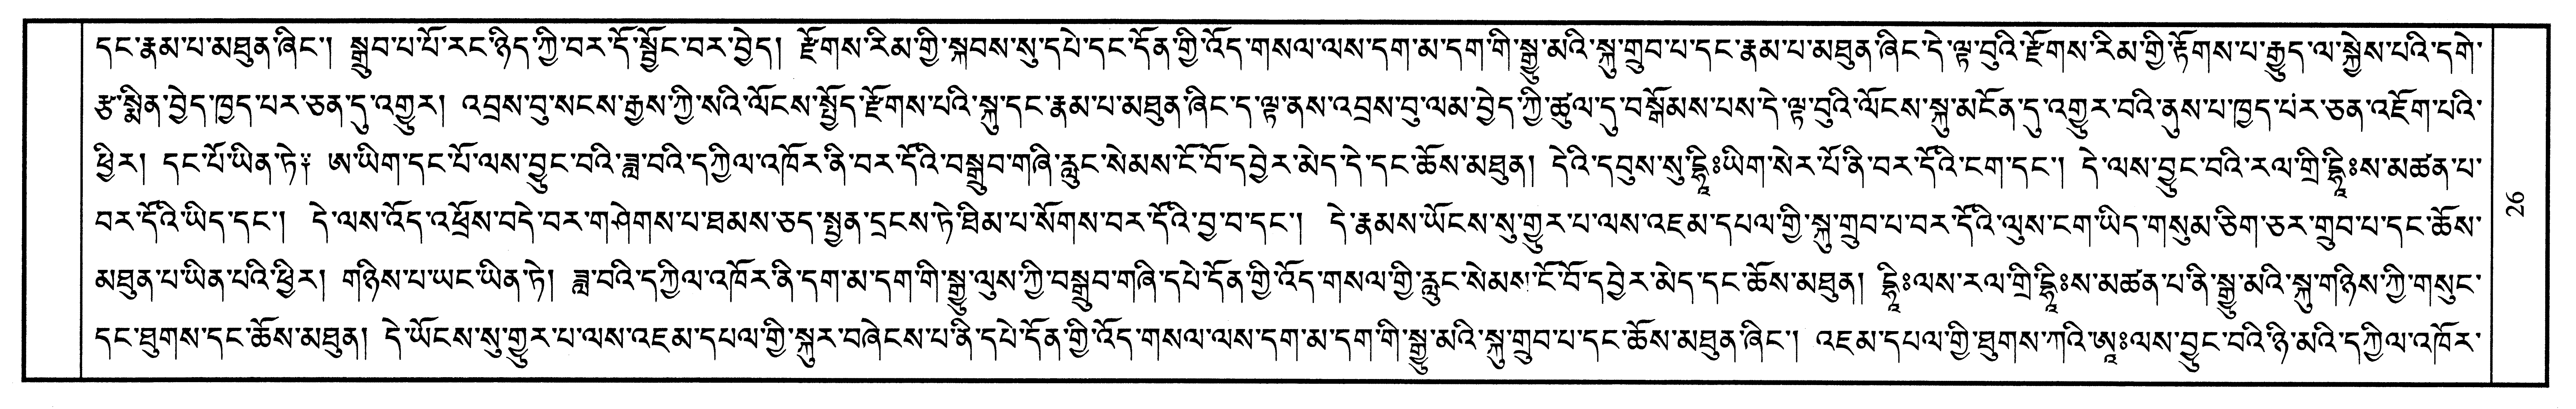དང་རྣམ་པ་མཐུན་ཞིང་། སྒྲུབ་པ་པོ་རང་ཉིད་ཀྱི་བར་དོ་སྦྱོང་བར་བྱེད། རྫོགས་རིམ་གྱི་སྐབས་སུ་དཔེ་དང་དོན་གྱི་འོད་གསལ་ལས་དག་མ་དག་གི་སྒྱུ་མའི་སྐུ་གྲུབ་པ་དང་རྣམ་པ་མཐུན་ཞིང་དེ་ལྟ་བུའི་རྫོགས་རིམ་གྱི་རྟོགས་པ་རྒྱུད་ལ་སྐྱེས་པའི་དགེ་
རྩ་སྨིན་བྱེད་ཁྱད་པར་ཅན་དུ་འགྱུར། འབྲས་བུ་སངས་རྒྱས་ཀྱི་སའི་ལོངས་སྤྱོད་རྫོགས་པའི་སྐུ་དང་རྣམ་པ་མཐུན་ཞིང་ད་ལྟ་ནས་འབྲས་བུ་ལམ་བྱེད་ཀྱི་ཚུལ་དུ་བསྒོམས་པས་དེ་ལྟ་བུའི་ལོངས་སྐུ་མངོན་དུ་འགྱུར་བའི་ནུས་པ་ཁྱད་པར་ཅན་འཇོག་པའི་
ཕྱིར། དང་པོ་ཡིན་ཏེ༑ ཨ་ཡིག་དང་པོ་ལས་བྱུང་བའི་ཟླ་བའི་དཀྱིལ་འཁོར་ནི་བར་དོའི་བསྒྲུབ་གཞི་རླུང་སེམས་ངོ་བོ་དབྱེར་མེད་དེ་དང་ཆོས་མཐུན། དེའི་དབུས་སུ་དྷཱིཿ ཡིག་སེར་པོ་ནི་བར་དོའི་ངག་དང་། དེ་ལས་བྱུང་བའི་རལ་གྲི་དྷཱིཿ ས་མཚན་པ་
བར་དོའི་ཡིད་དང་། དེ་ལས་འོད་འཕྲོས་བདེ་བར་གཤེགས་པ་ཐམས་ཅད་སྤྱན་དྲངས་ཏེ་ཐིམ་པ་སོགས་བར་དོའི་བྱ་བ་དང་། དེ་རྣམས་ཡོངས་སུ་གྱུར་པ་ལས་འཇམ་དཔལ་གྱི་སྐུ་གྲུབ་པ་བར་དོའི་ལུས་ངག་ཡིད་གསུམ་ཅིག་ཅར་གྲུབ་པ་དང་ཆོས་
མཐུན་པ་ཡིན་པའི་ཕྱིར། གཉིས་པ་ཡང་ཡིན་ཏེ། ཟླ་བའི་དཀྱིལ་འཁོར་ནི་དག་མ་དག་གི་སྒྱུ་ལུས་ཀྱི་བསྒྲུབ་གཞི་དཔེ་དོན་གྱི་འོད་གསལ་གྱི་རླུང་སེམས་ངོ་བོ་དབྱེར་མེད་དང་ཆོས་མཐུན། དྷཱིཿ ལས་རལ་གྲི་དྷཱིཿ ས་མཚན་པ་ནི་སྒྱུ་མའི་སྐུ་གཉིས་ཀྱི་གསུང་
དང་ཐུགས་དང་ཆོས་མཐུན། དེ་ཡོངས་སུ་གྱུར་པ་ལས་འཇམ་དཔལ་གྱི་སྐུར་བཞེངས་པ་ནི་དཔེ་དོན་གྱི་འོད་གསལ་ལས་དག་མ་དག་གི་སྒྱུ་མའི་སྐུ་གྲུབ་པ་དང་ཆོས་མཐུན་ཞིང་། འཇམ་དཔལ་གྱི་ཐུགས་ཀའི་ཨཱཿ ལས་བྱུང་བའི་ཉི་མའི་དཀྱིལ་འཁོར་